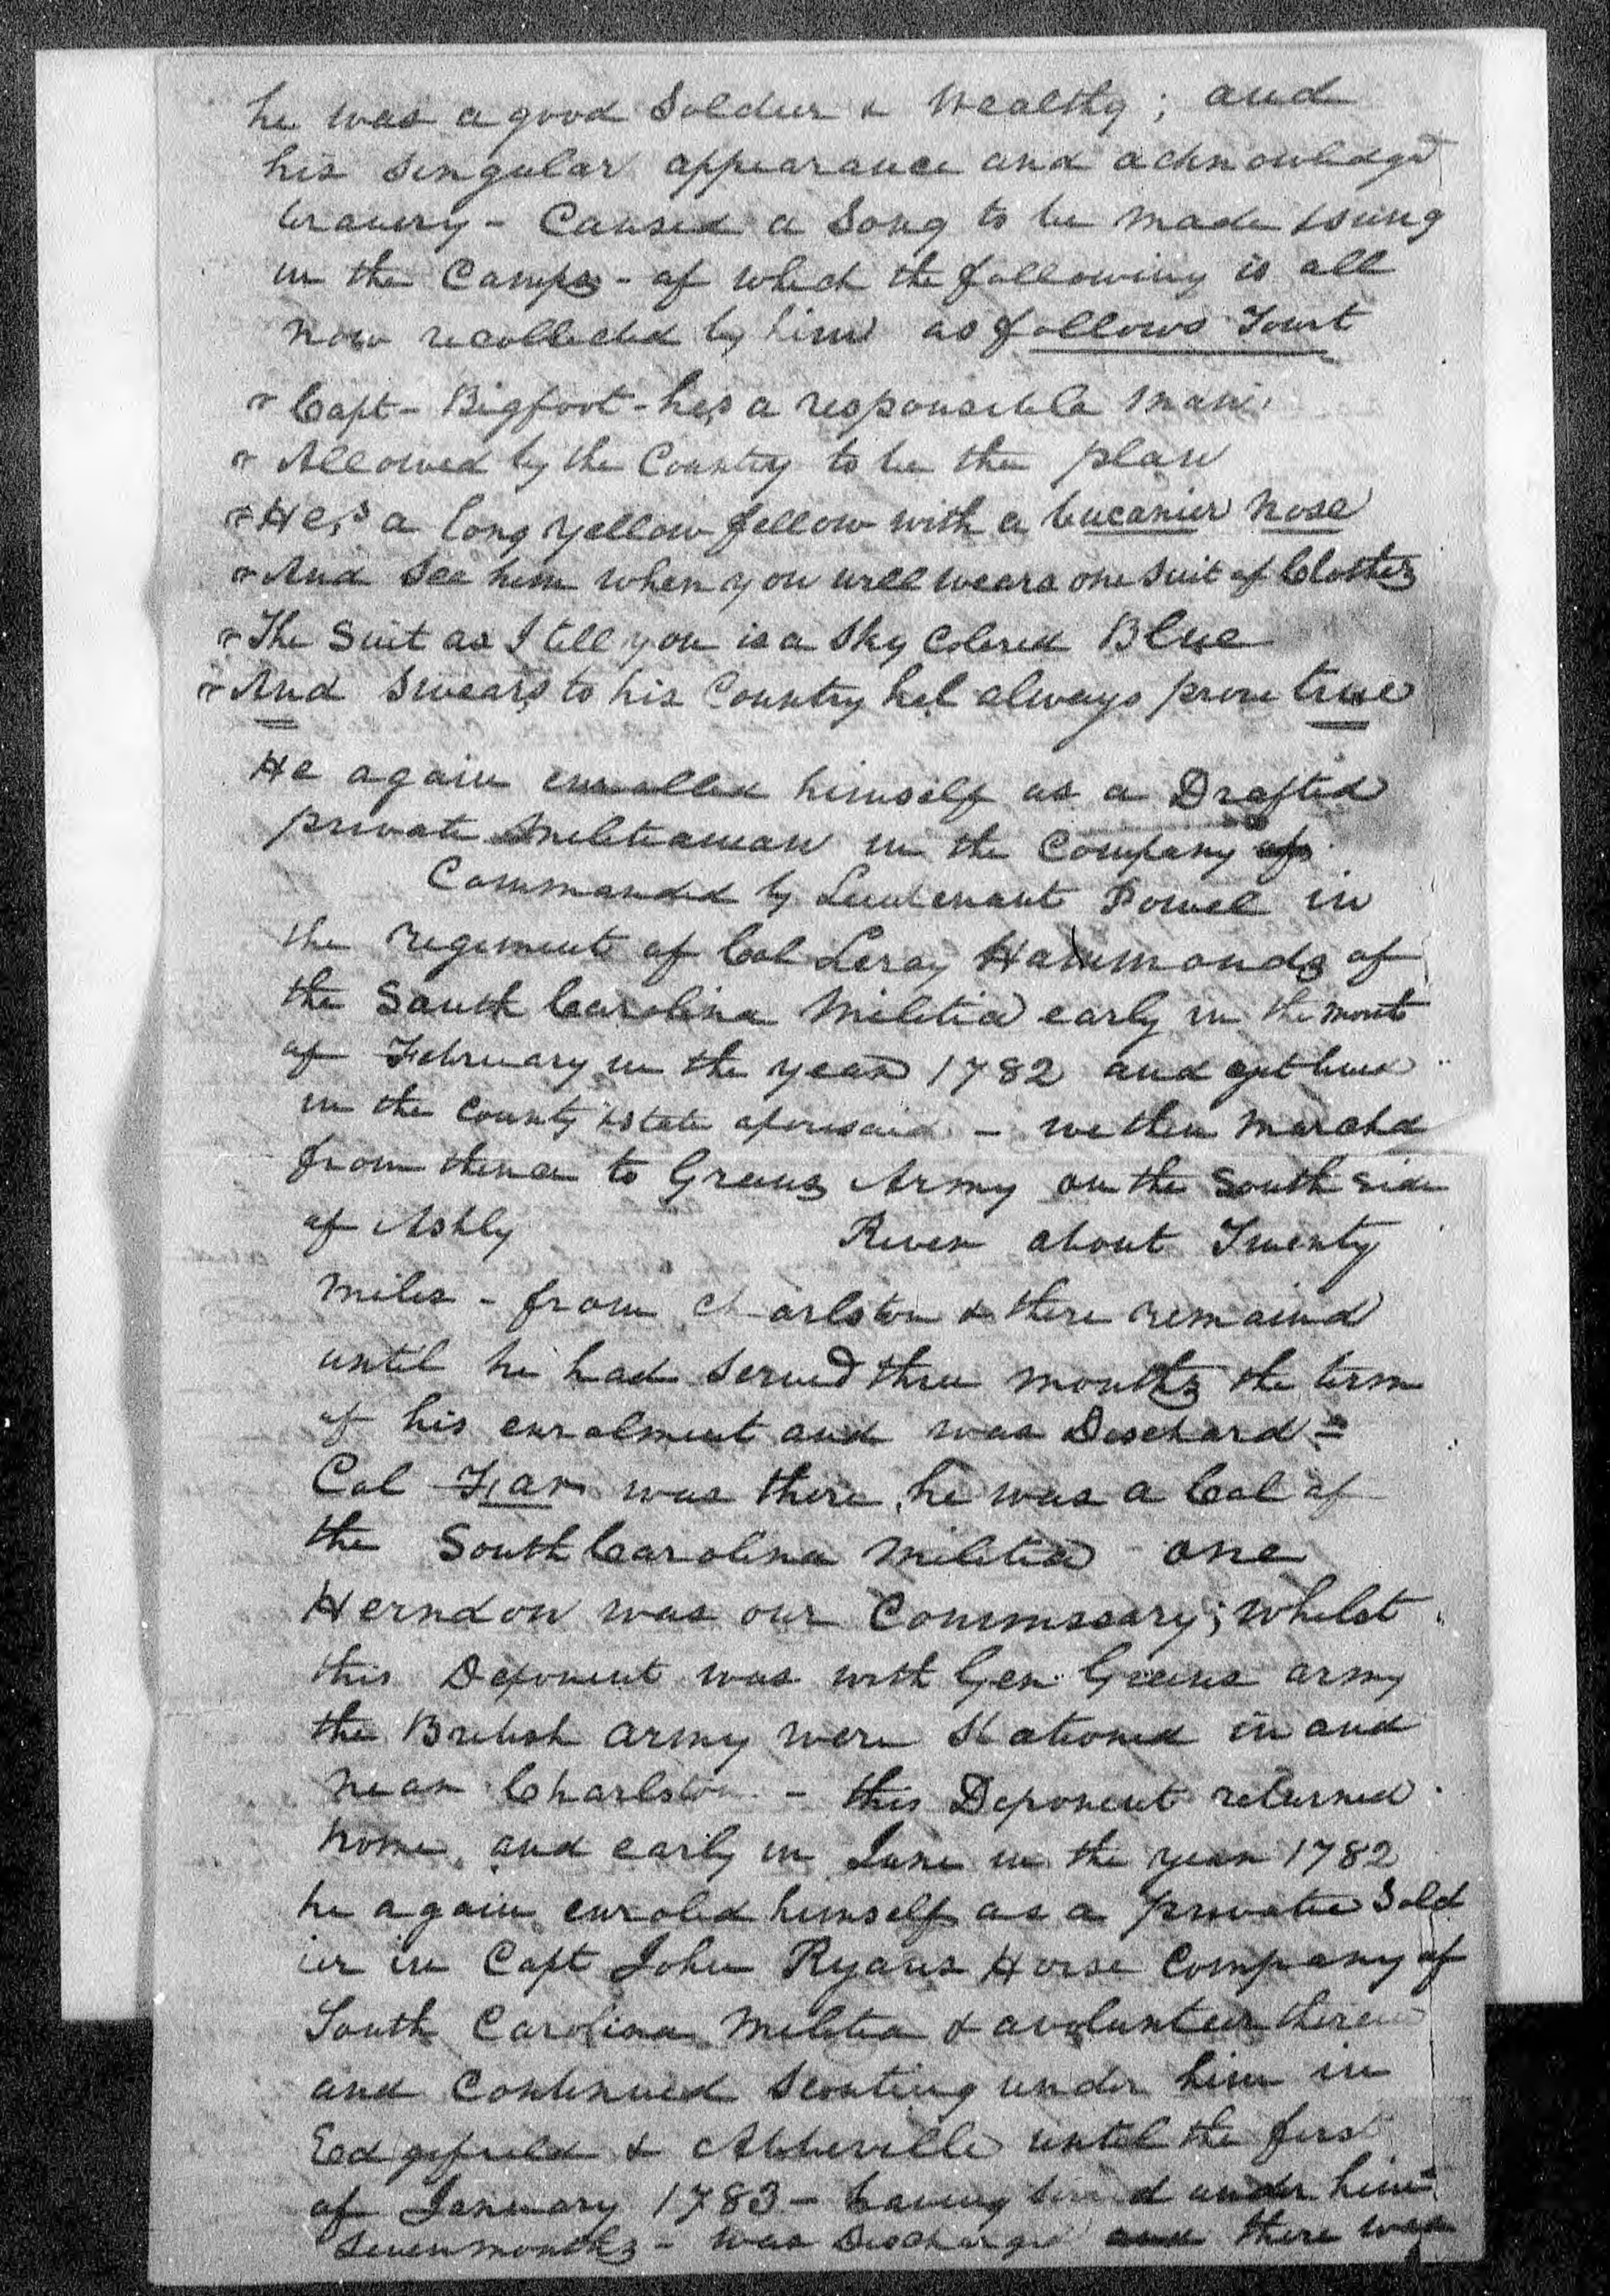He was a good soldier and healthy; his singular appearance and acknowledgment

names: John Ryans; [BLANK] Fars; [BLANK] Powel; Leroy Hammonds; [BLANK] Bigfoot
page: 8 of 45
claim: widow's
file: W. 26160, for Thomas C Jones, Georgia